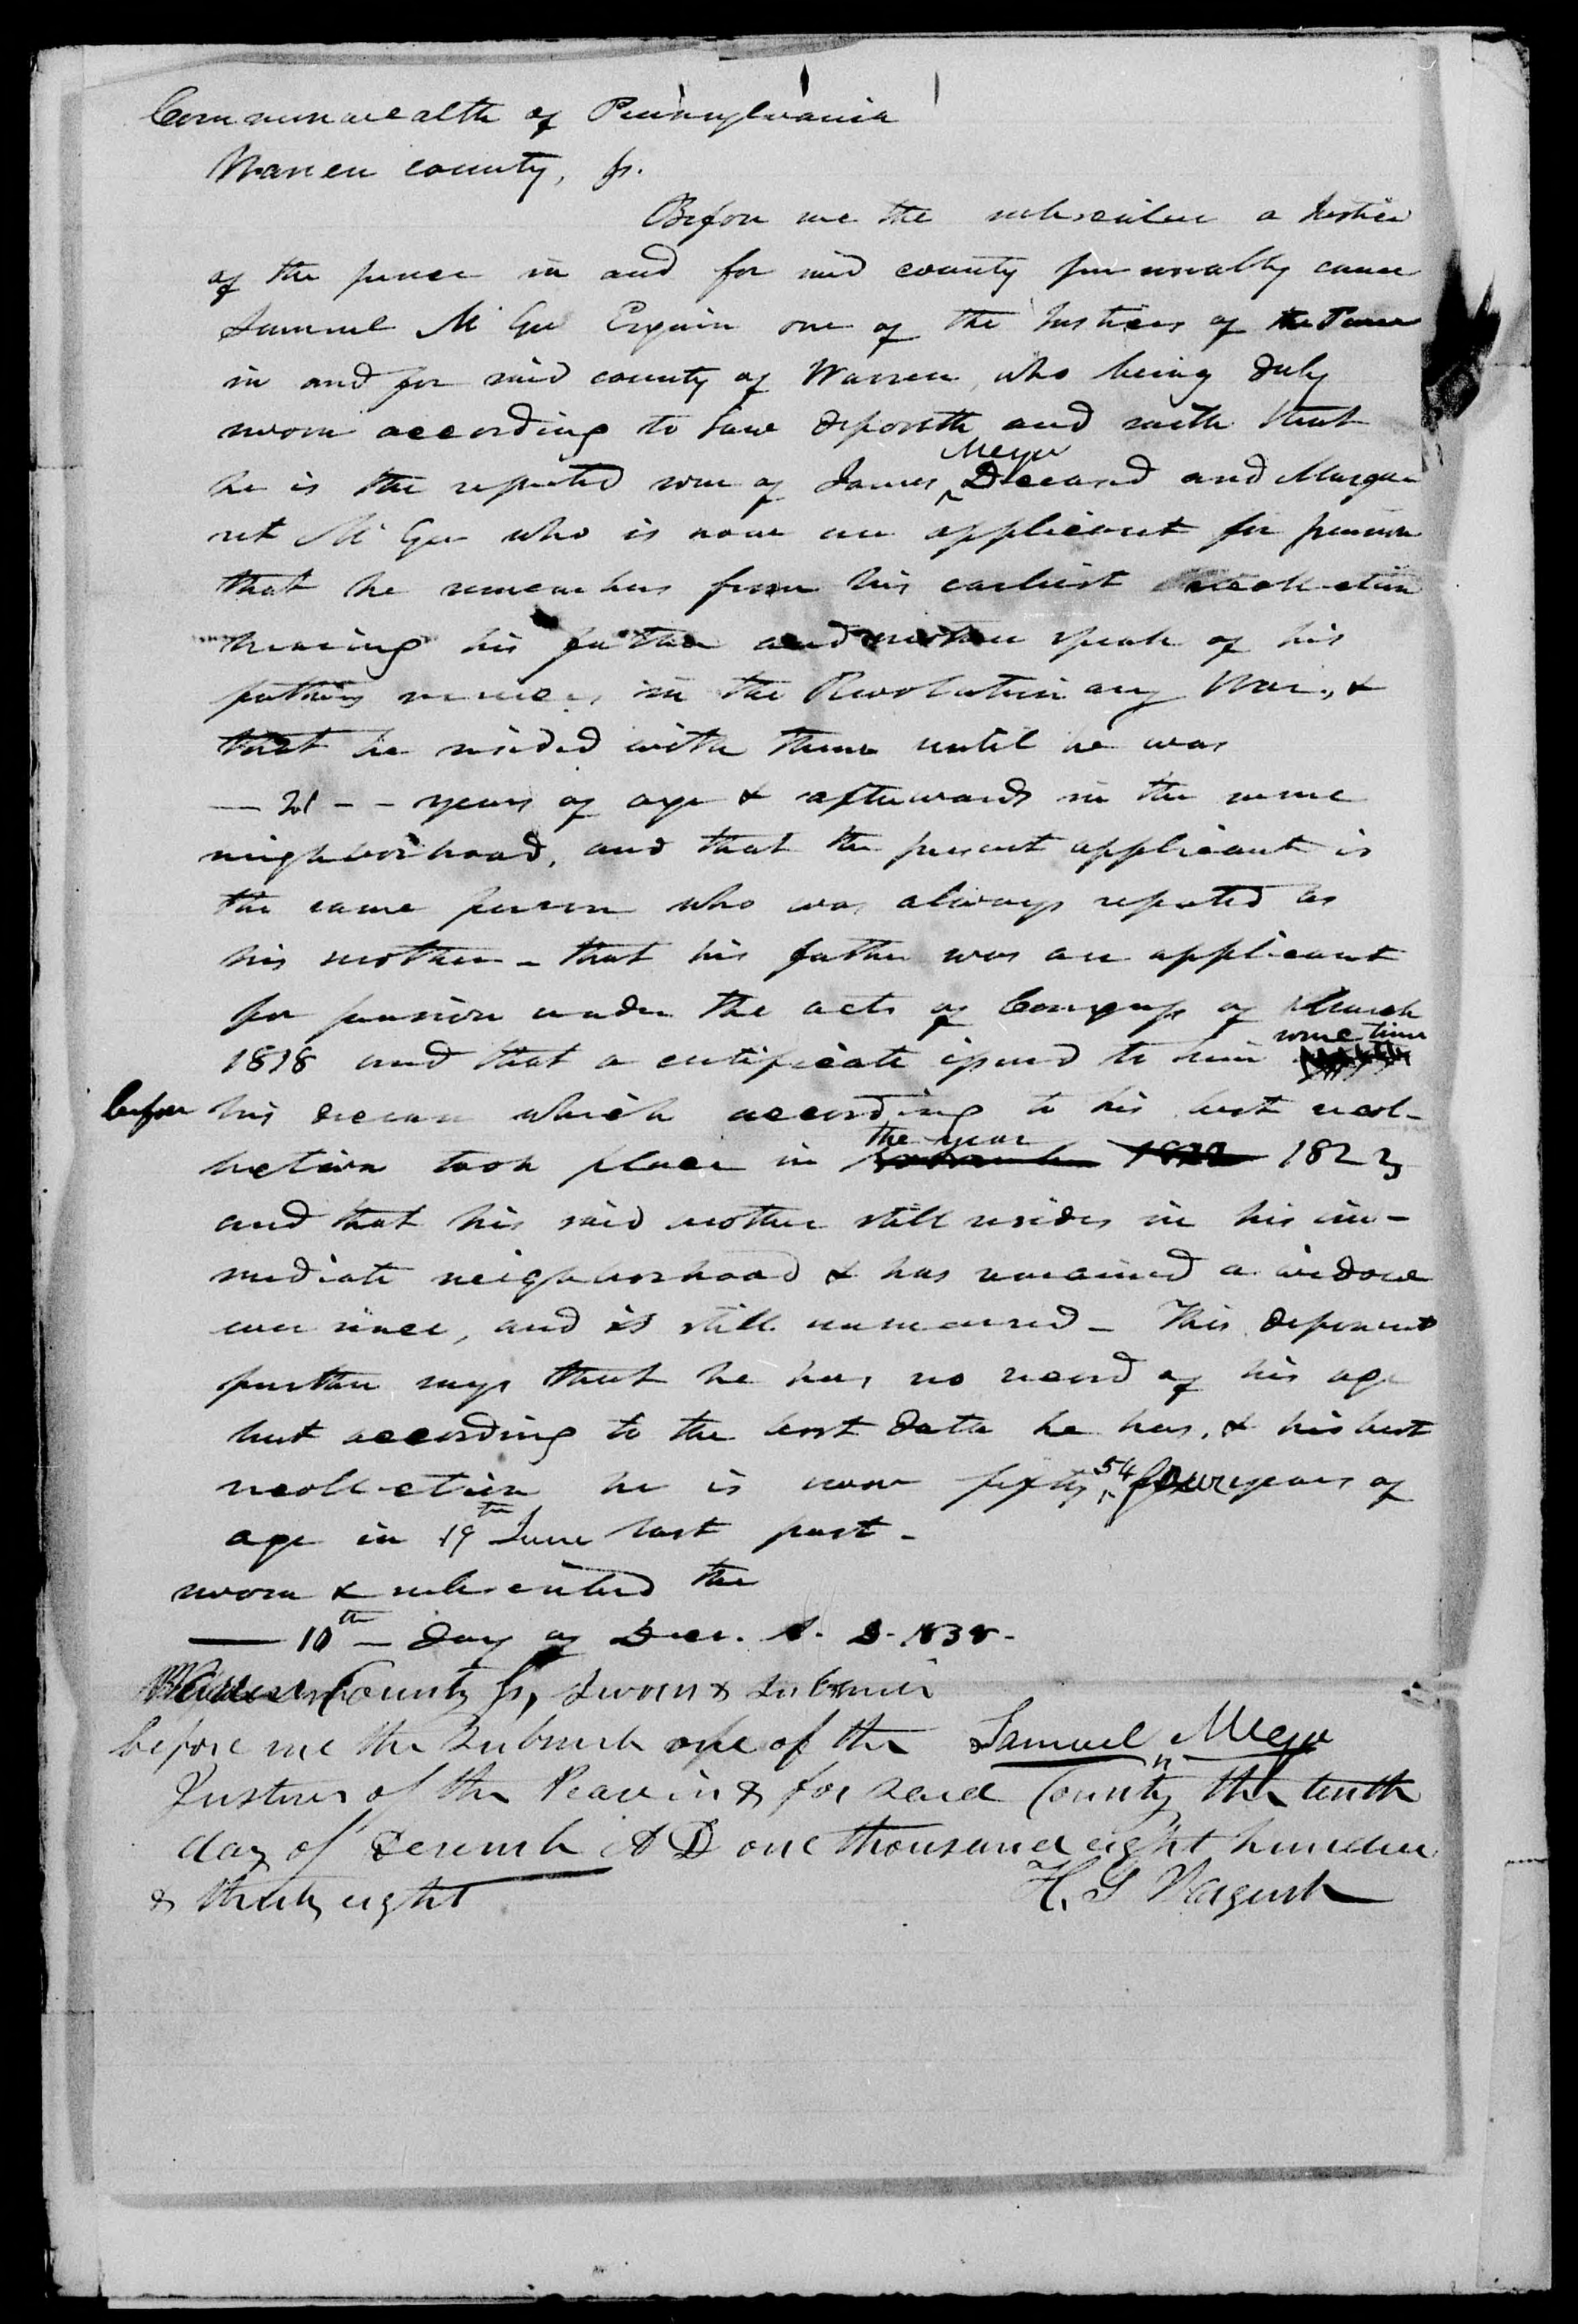Commonwealth of Pennsylvania 
Warren County ss
Before me the subscriber a Justice of the peace in and for said county formally came Samuel McGee Esquire one of the Justices of the Peace in and for said County of Warren, who being duly sworn according to law deposeth and saith that he is the reputed son of James McGee Deceased and Margaret McGee who is now an applicant for pension that he remembers from his earliest recollection hearing his father and her speak of his fathers services in the Revolutionary War & that he resided with them until he was - 21 - years of age & afterwards in the same neighborhood, and that the present applicant is the same person who was always reputed as his mother that his father was an applicant for pension under the act of Congress of March 1818 and that a certificate issued to him some time before his decease which asserting to his best recollection took place in the year 1823 and that his said mother still resides in his immediate neighborhood & has remained a widow ever since, and is still unmarred - This deponent further says that he has no record of his age but according to the last date he has, & his best recollection he is now fifty 54 four years of age in 19th June last part,
Sworn & subscribed the 10th day of Decr A. D. 1838
Warren County ss Sworn & Subscribed 
before me the [illegible] one of the Samuel Meyer Justice of the Peace in & for said County the tenth day of Decemb A D one thousand eight hundred & thirty eight 
H. G. Magurt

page: 8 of 77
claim: widow's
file: W 2954, for James Mc Gee, Delaware